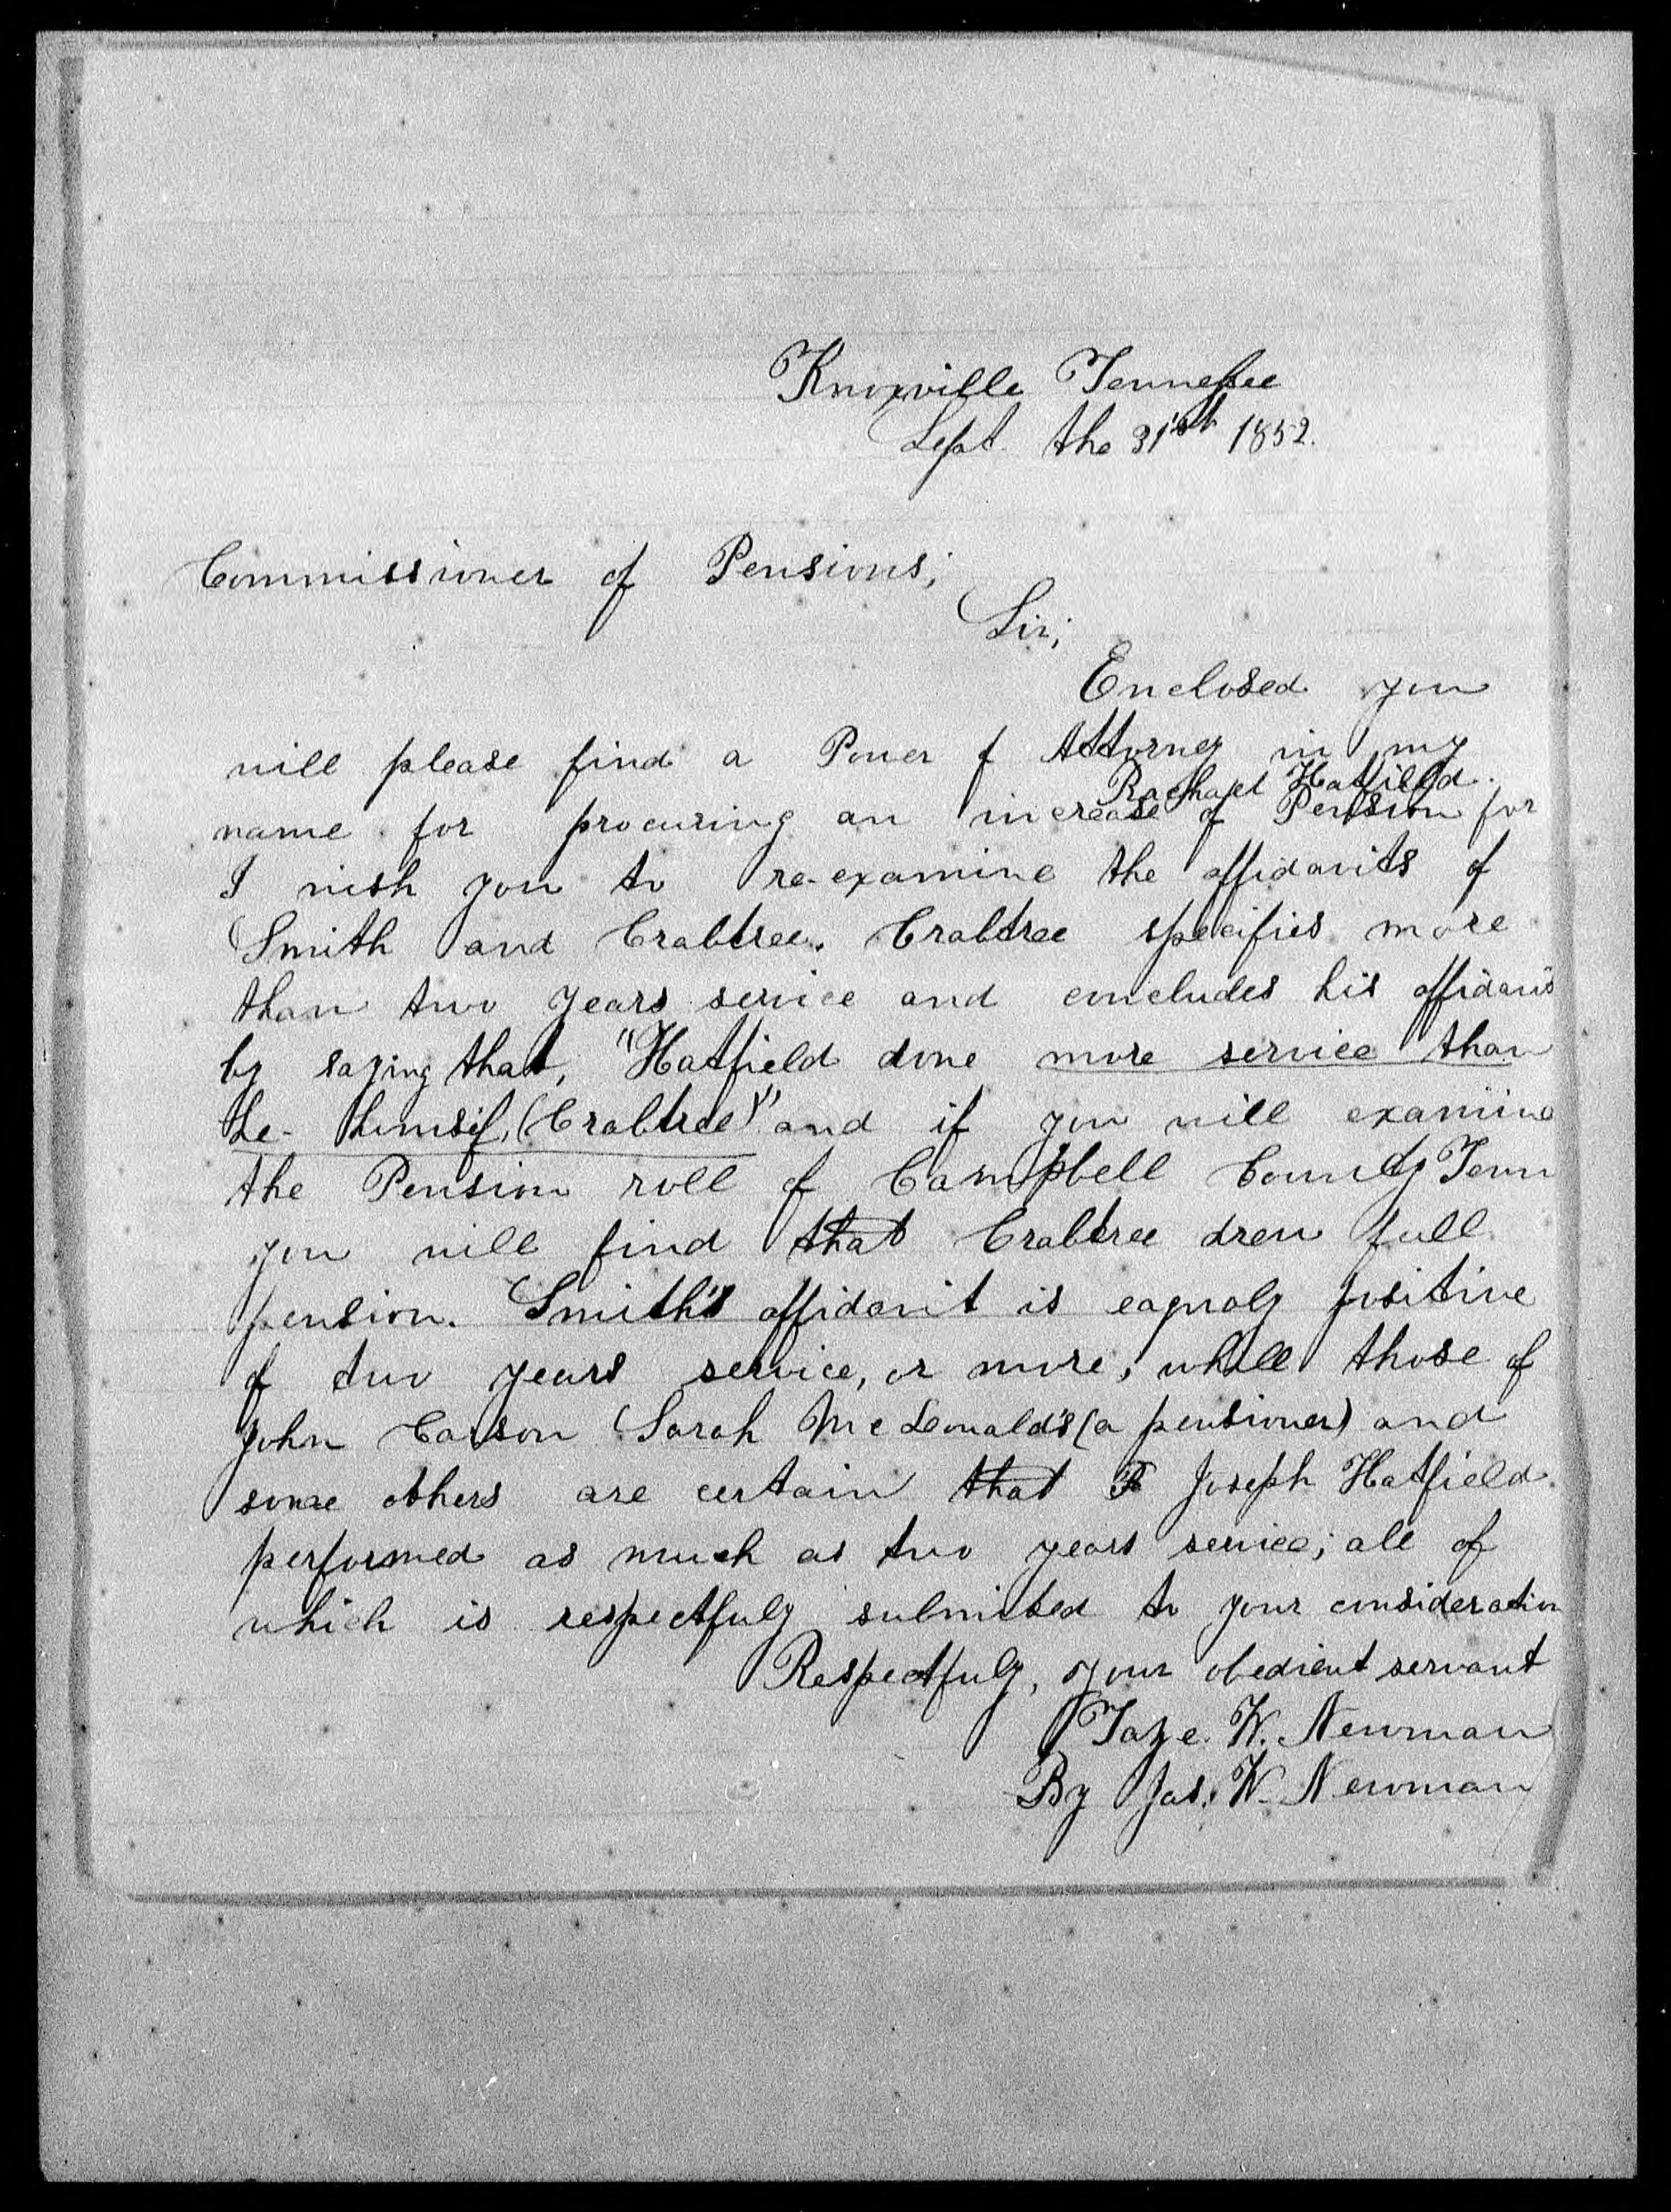Knoxville Tennessee
Sept the 31st 1852

Commissioner of Pensions
Sir,
Enclosed you will please find a Power of Attorney in my name for procuring an increase of pension for Rachel Hatfield. I wish you to re-examine the affidavits of Smith and Crabtree. Crabtree specifies more than two years service and concludes his affidavit by saying that, "Hatfield done more service than he himself (Crabtree)" and if you will examine the Pension roll of Campbell County Tenn you will find that Crabtree drew full pension. Smith's affidavit is eaqualy positive of two years service, or more, while those of John Carson Sarah McDonald's (a pensioner) and some others are certain that sd. Joseph Hatfield performed as much as two years service; all of which is respectfully submitted to your consideration.
Respectfully your obedient servant
Taze W. Newman
By Has. W. Newman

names: John Carson, Crabtree, Crabtree, Jas W Newman, Crabtree, Rachael Hatfield, Sarah Mc Donald, Smith, Hatfield, Smith, Taze W Newman, Crabtree, Joseph Hatfield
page: 19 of 74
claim: widow's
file: W. 5, Joseph Hatfield, Va.